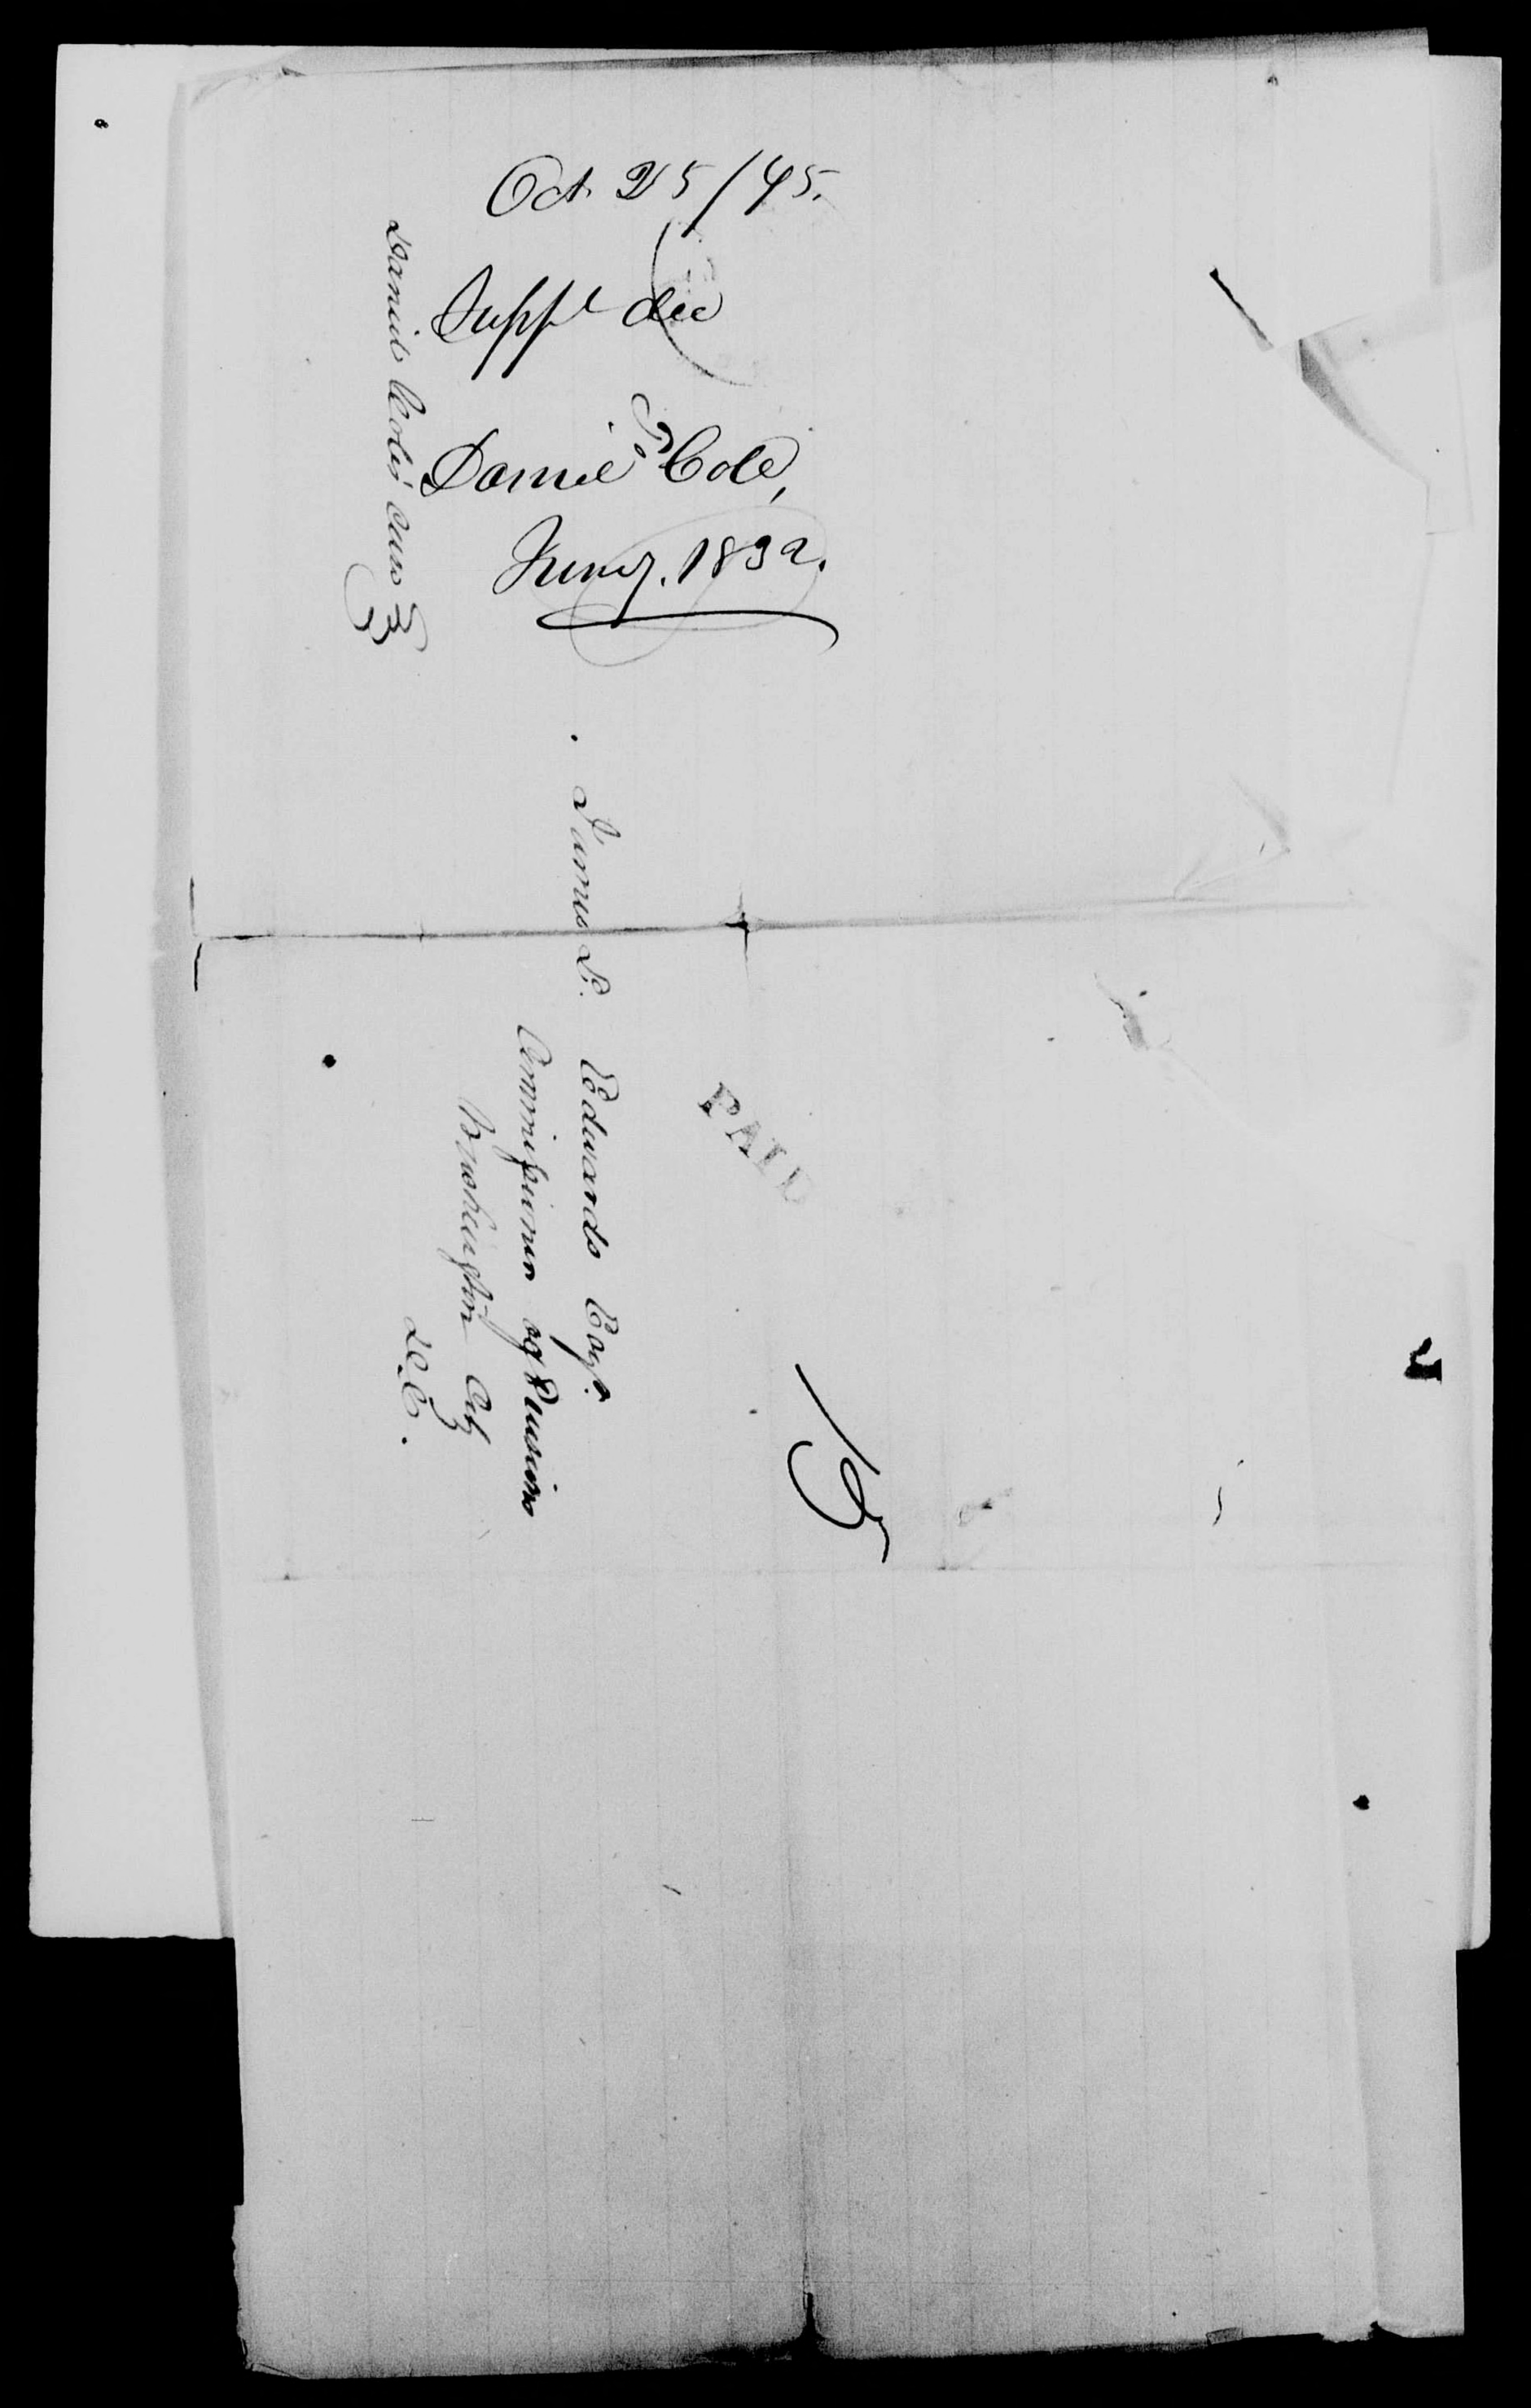Oct 25/45.
Daniel Cole


Suppl dec
Daniel Cole
Juny 1832.
James
Fox
Washington
City
Commissioner of Pensions
S. Edwards Esqr

PAID

James L Edwards Esq.
Commissioner of Pensions
Washington City D. C.

Daniel Cole's case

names: James L Edwards, Daniel Cole, Daniel Cole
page: 35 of 61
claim: survivor's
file: S. 8236, Daniel Cole, Va.